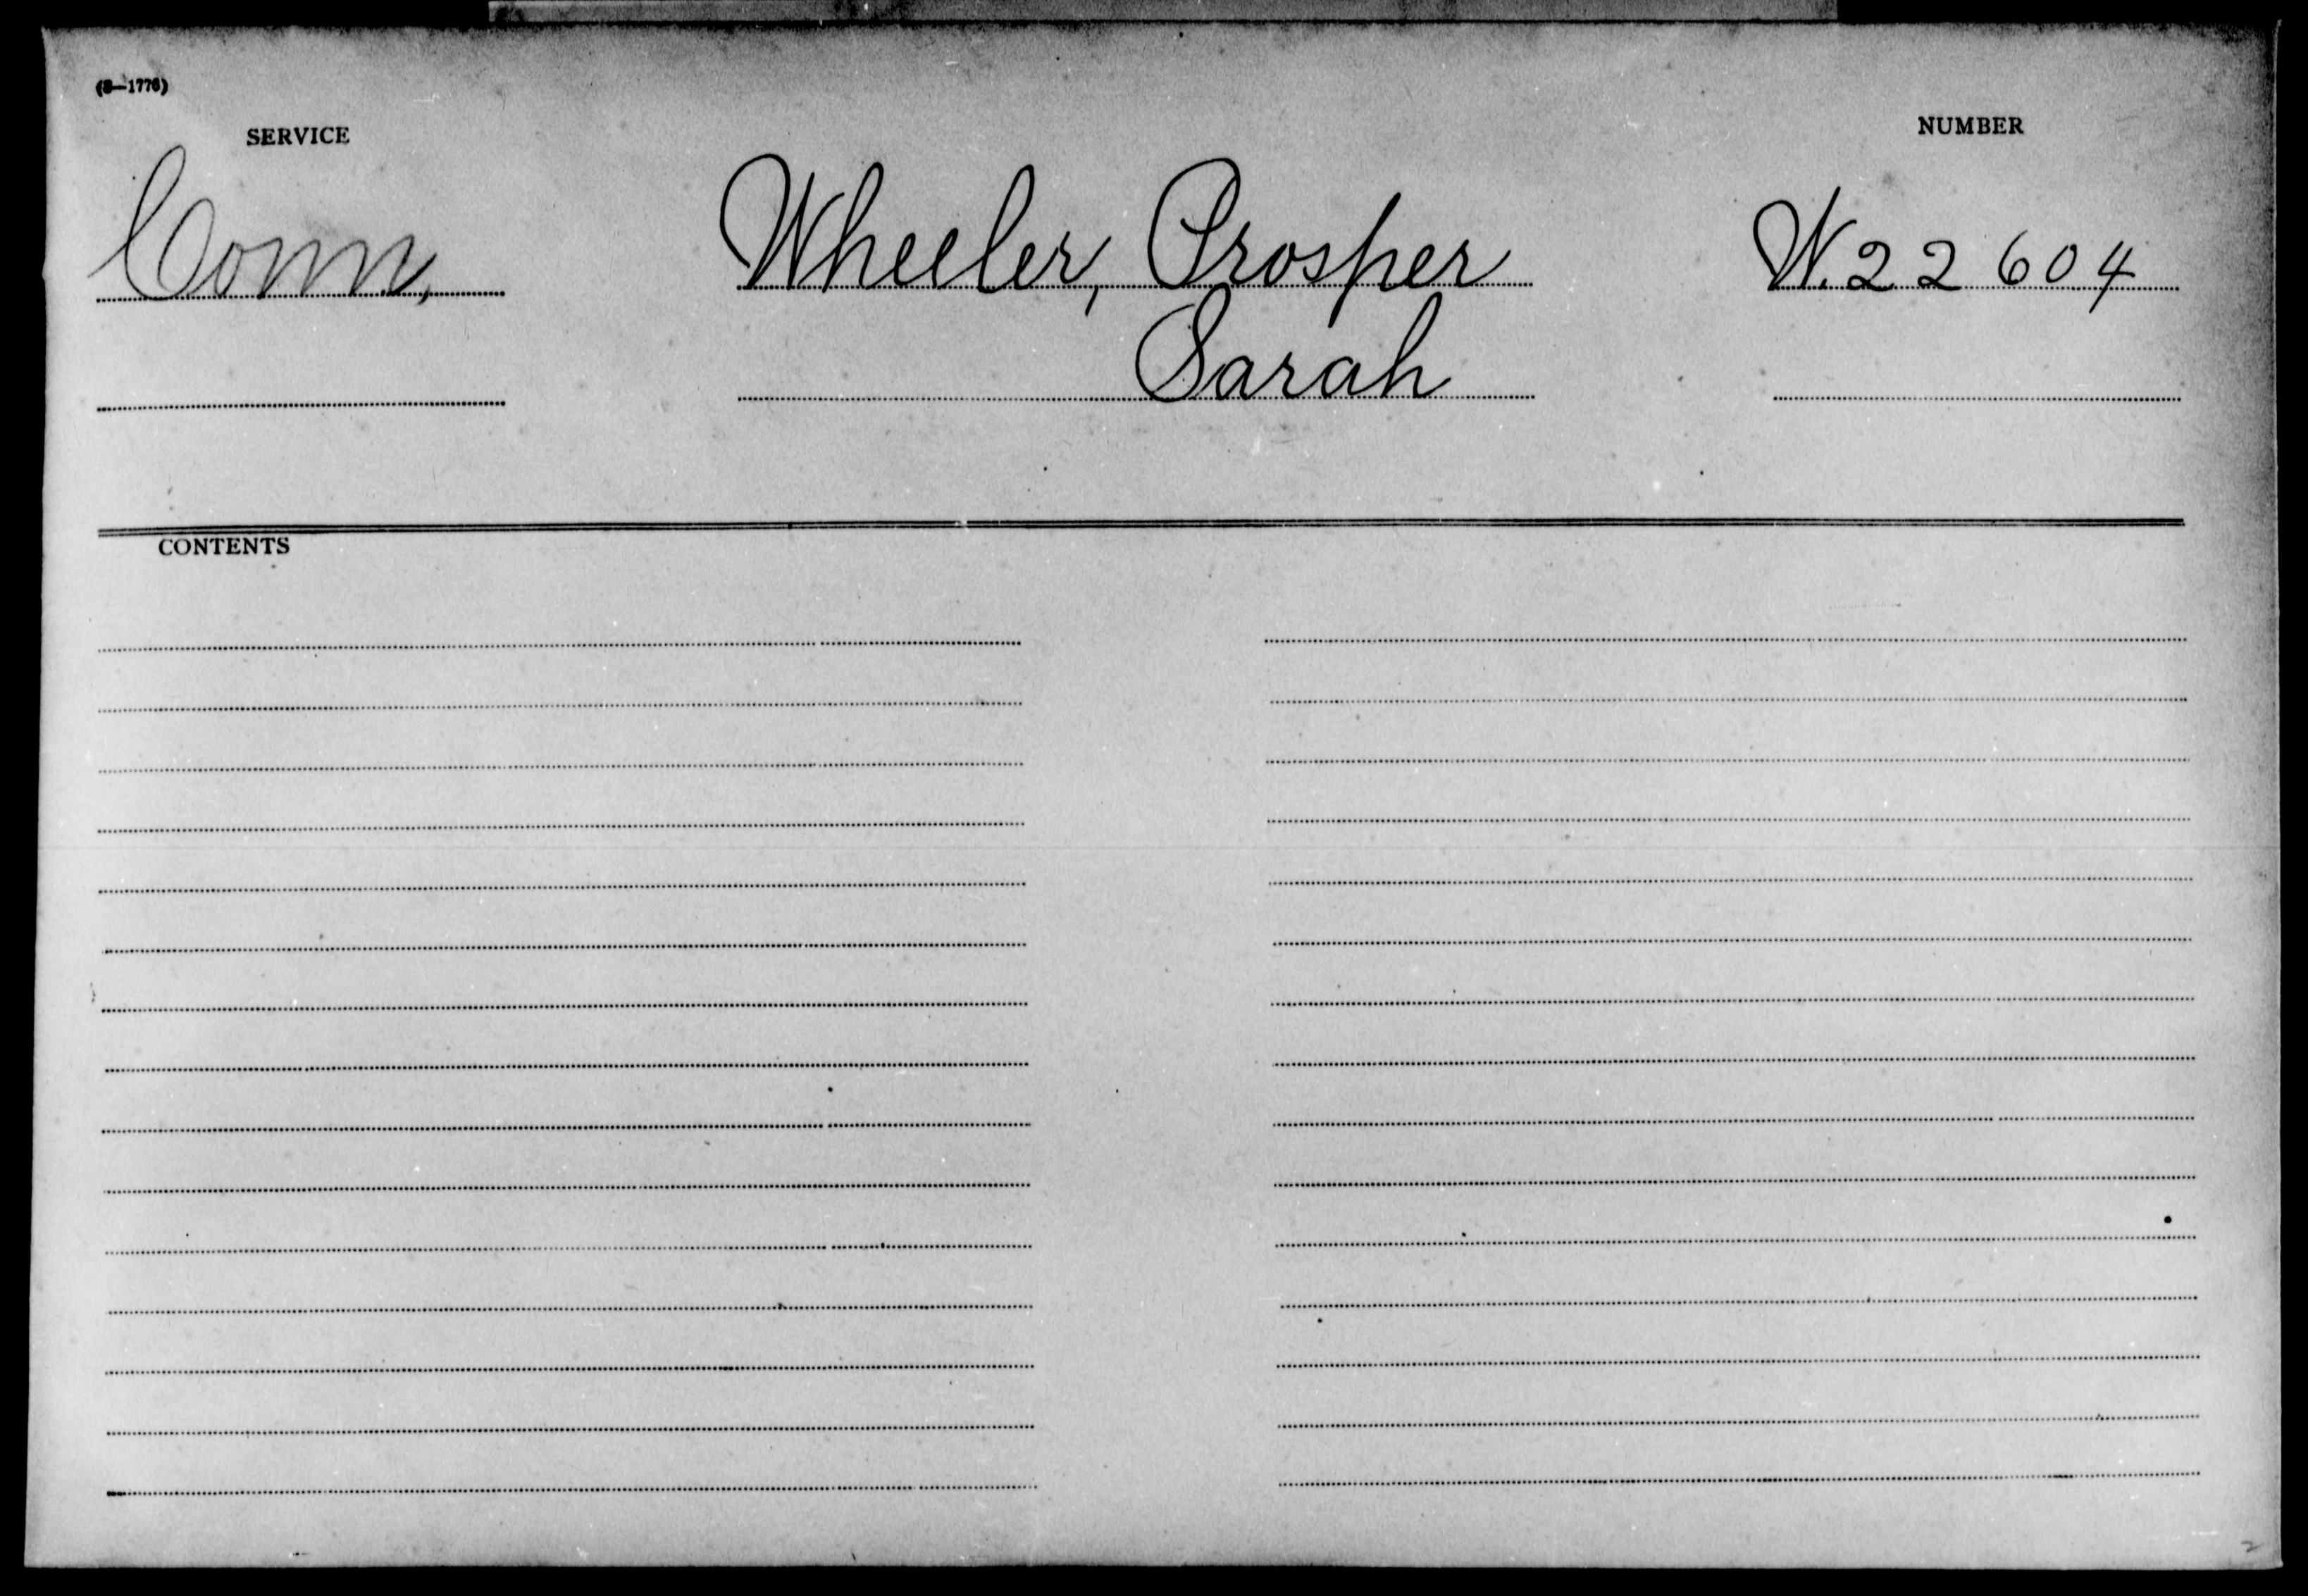(3 - 1776)

SERVICE
Conn.

Wheeler, Prosper
Sarah

NUMBER
W. 22604

CONTENTS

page: 1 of 29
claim: widow's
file: W. 22604, Prosper Wheeler, Conn.